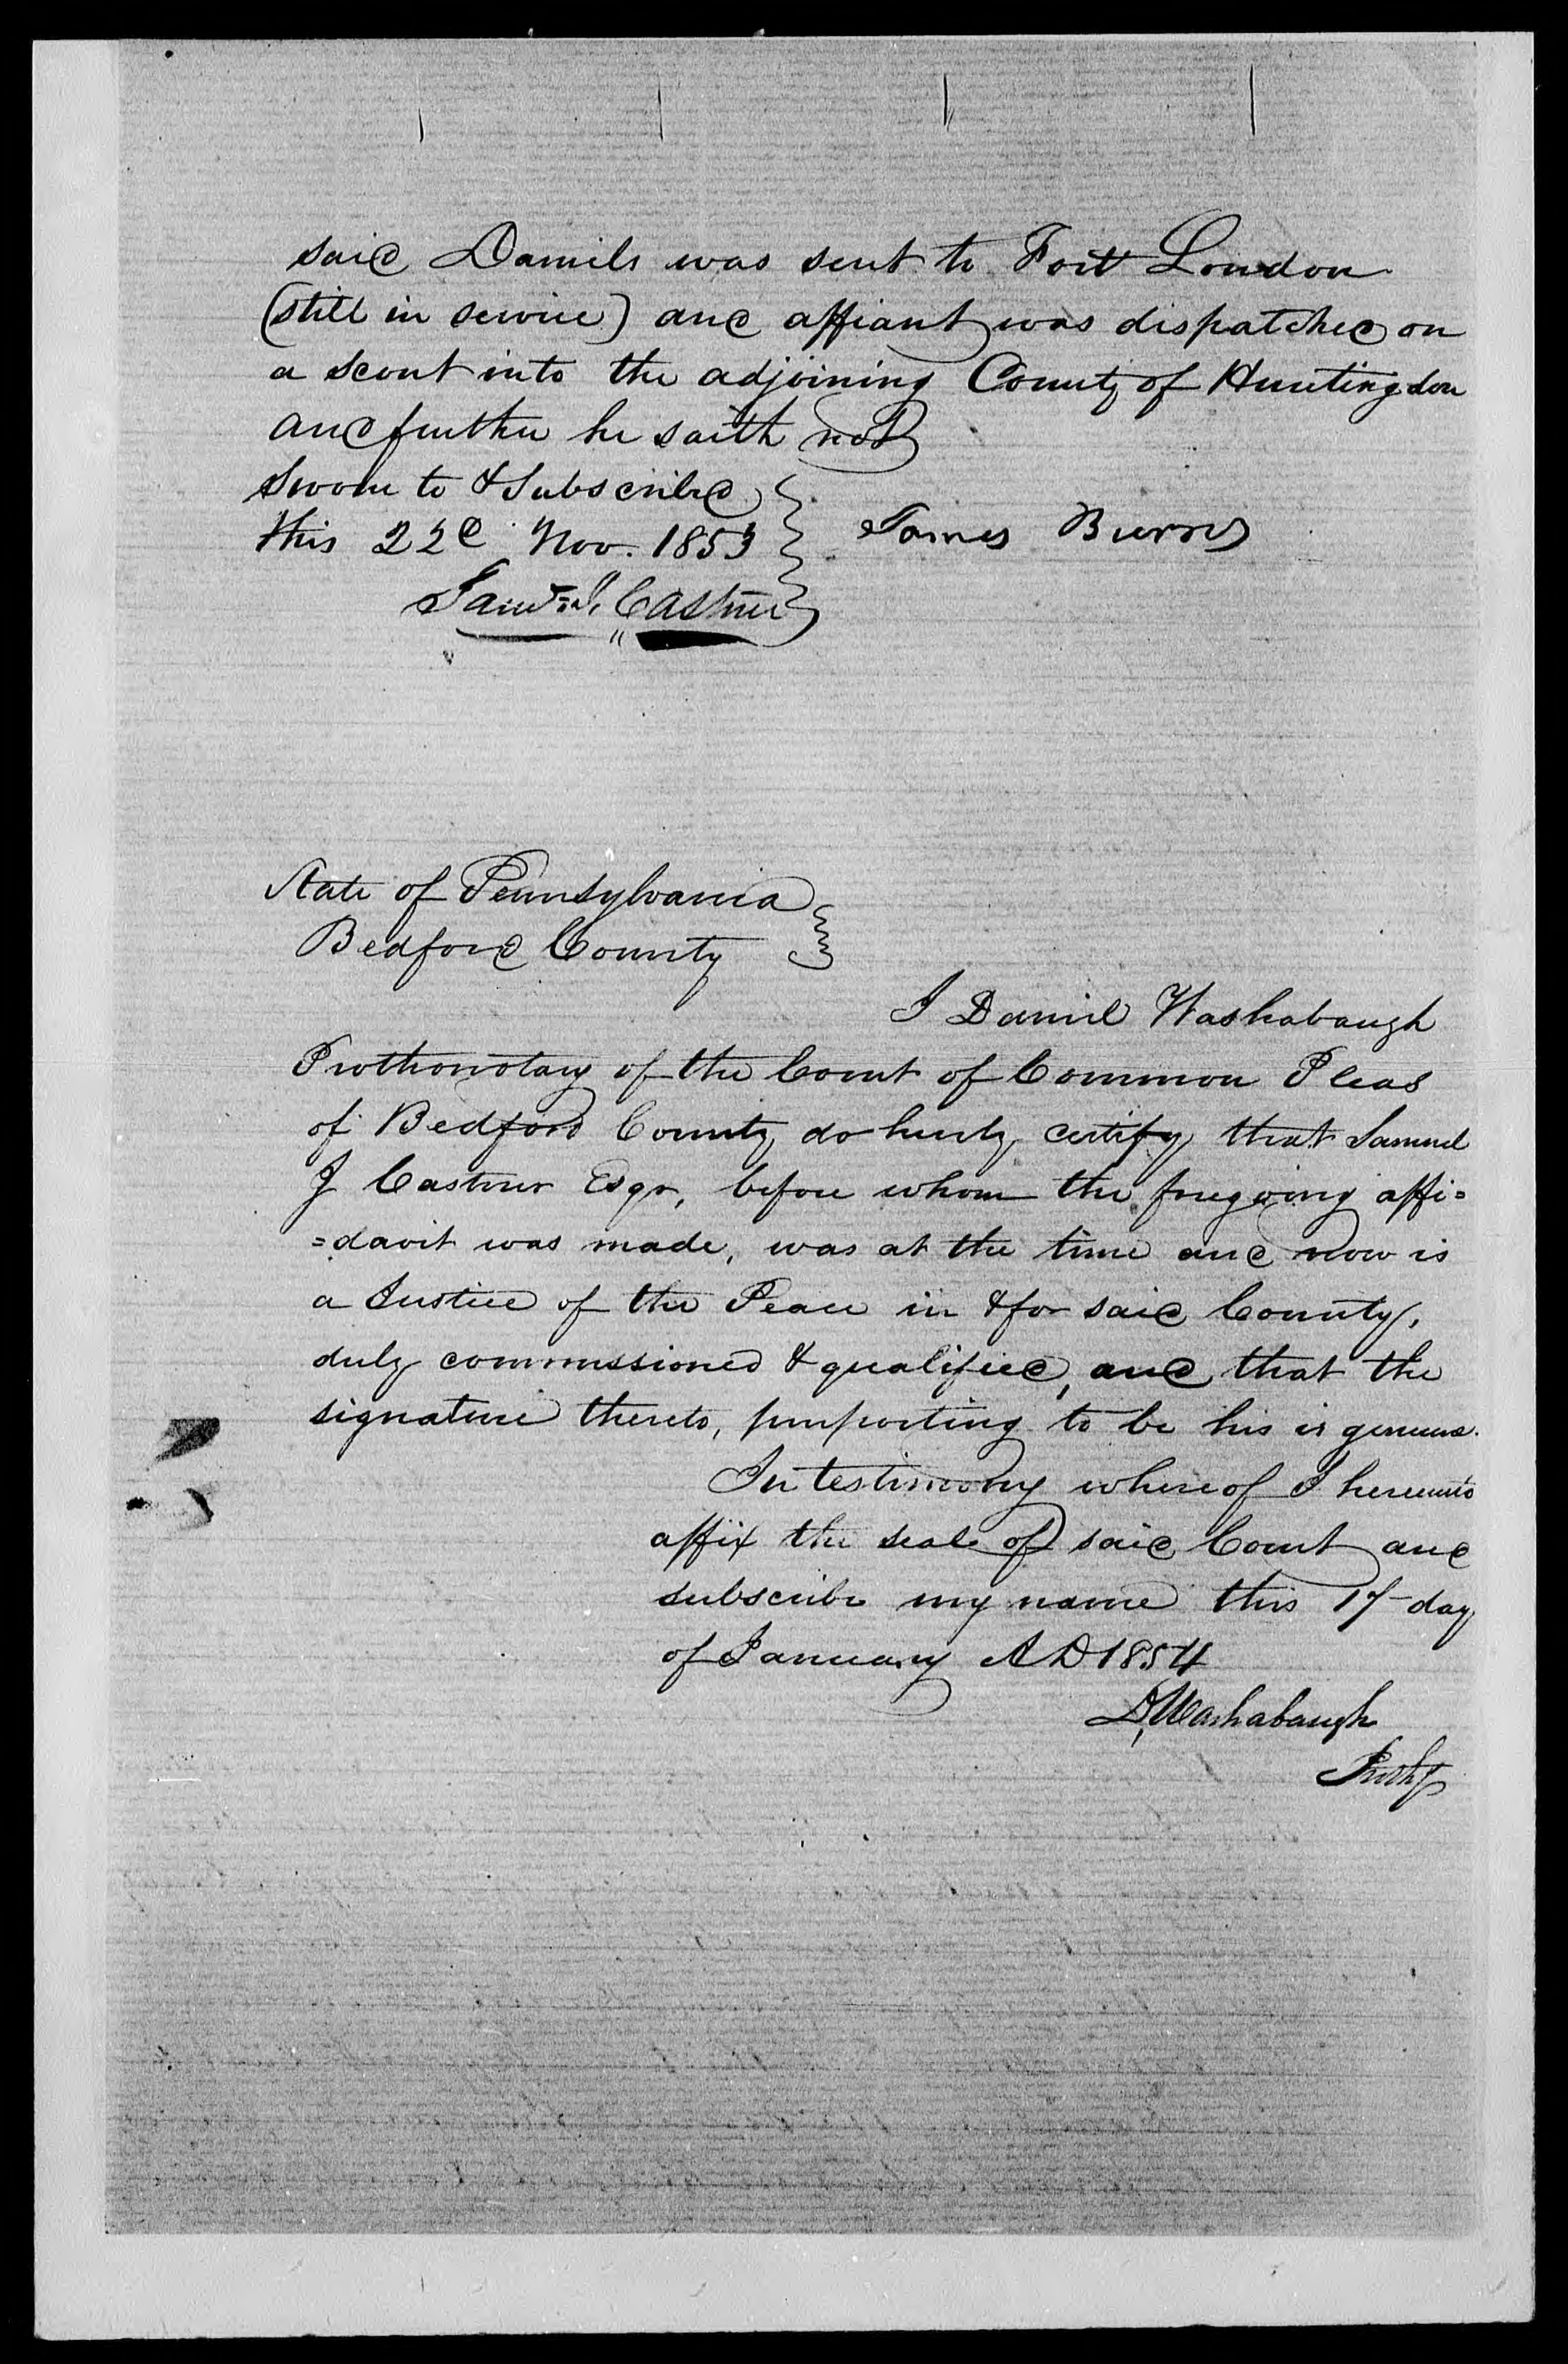said Daniels was sent to Fort London
(still in service) and affiant was dispatched on
a scout into the adjoining County of Huntingdon
and further he saith not.
James Burns
Sworn to & subscribed
this 22d Nov. 1853
Samuel Castner

State of Pennsylvania
Bedford County
I Daniel Washabaugh
Prothonotary of the Court of Common Pleas
of Bedford County do hereby certify that Samuel
J Castner Esqr, before whom the foregoing affidavit
was made, was at the time and now is
a Justice of the Peace in & for said County,
duly commissioned & qualified, and that the
signature thereto, purporting to be his is genuine.
In testimony whereof I hereunto
affix the seal of said Court and
subscribe my name this [1st?] day
of January AD 1854
D Washabaugh
Prothy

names: Daniels, D Washabaugh, Samuel J Castner, Daniel Washabaugh, James Burns, Saml J Castner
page: 18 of 35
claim: rejected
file: R. 2,650, Daniel Daniels, Penn.